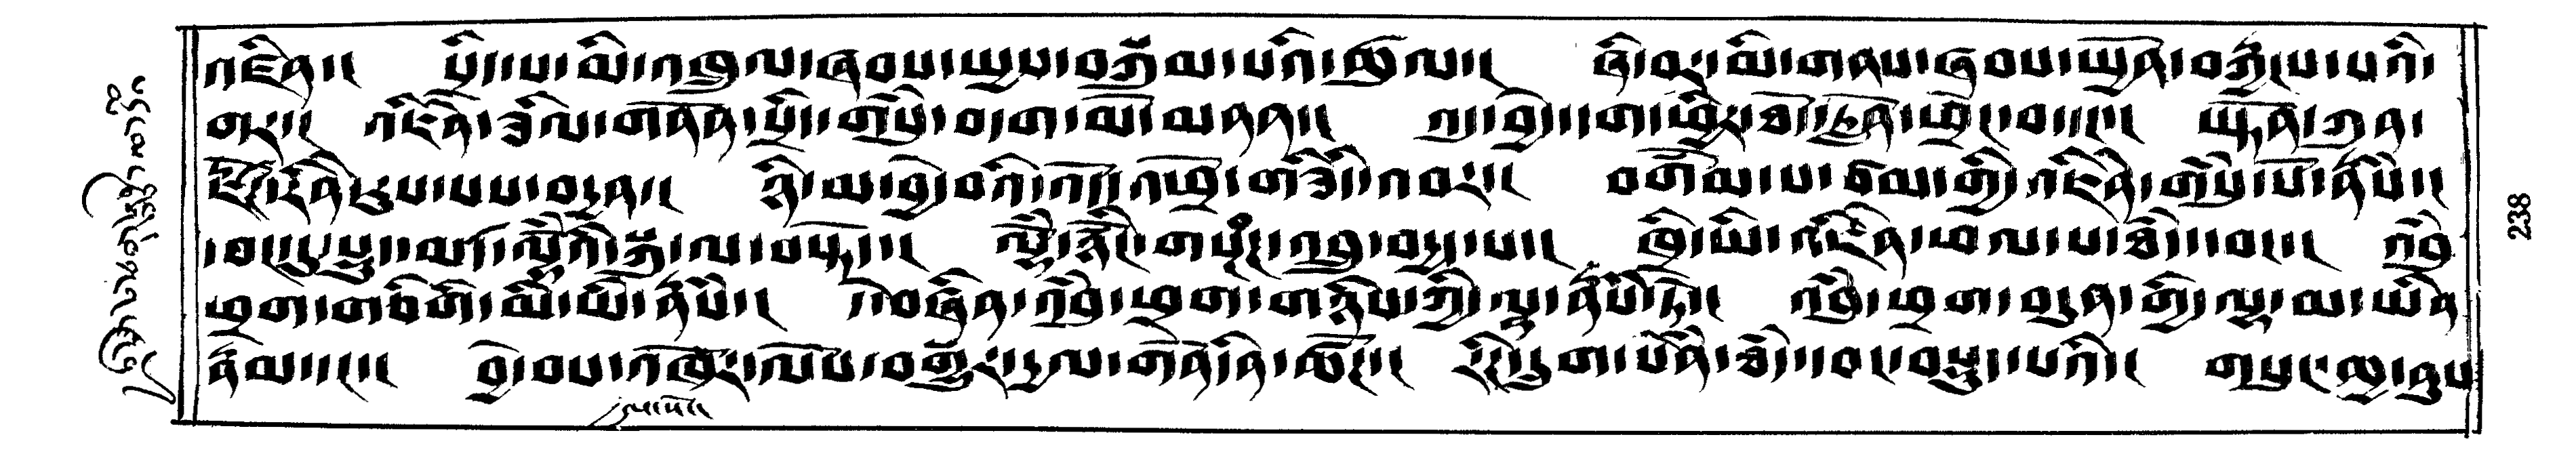འཛིན། །སྲིད་པ་མི་འཁྲུལ་ཞབས་གཡས་བསྐུམ་པའི་ཚུལ། །ཞི་བར་མི་གནས་ཞབས་གཡོན་བརྐྱངས་པའི་
གར། །འཇིག་རྟེན་ཟིལ་གནོན་སྲིད་གསུམ་བདག་མོ་མནན། །འདུ་བྱེད་དག་ཕྱིར་ཐོང་རློན་ཕྲེང་བ་དང་། །ཡོན་ཏན་ཀུན་
རྫོགས་རིན་ཆེན་རུས་པས་བརྒྱན། ཉི་མ་བྱེ་བའི་འོད་འཕྲོ་གཟི་བརྗིད་འབར། །བསྒོམ་པ་ཙམ་གྱི་འཇིག་རྟེན་གསུམ་པོ་རྣམས། །
དབང་དུ་བསྡུ་མཛད་ལྷ་མོའི་སྐུ་ལ་བསྟོད། །ལྷ་མོའི་སྙིང་པོ་གསང་སྔགས་འབྲུ་བརྒྱད་པ། །ཁྲི་ཡི་འཇིག་རྟེན་ཕལ་པ་ཐམས་ཅད་དབང་། །འབུམ་
ཕྲག་གཅིག་གི་མི་ཡི་རྒྱལ་པོ་རྣམས། །དེ་བཞིན་འབུམ་ཕྲག་གཉིས་ཀྱི་ལྷ་རྣམས་ཏེ། །འབུམ་ཕྲག་བདུན་གྱི་ལྷ་མ་ཡིན་
རྣམས་དང་། །བྱེ་བས་འཁོར་ལོས་བསྒྱུར་རྒྱལ་གནོད་སྦྱིན་ཚོགས། །རིགས་དྲུག་སེམས་ཅན་ཐམས་ཅད་དབང་བསྡུད་པའི། གསུང་མཆོག་ནུས་